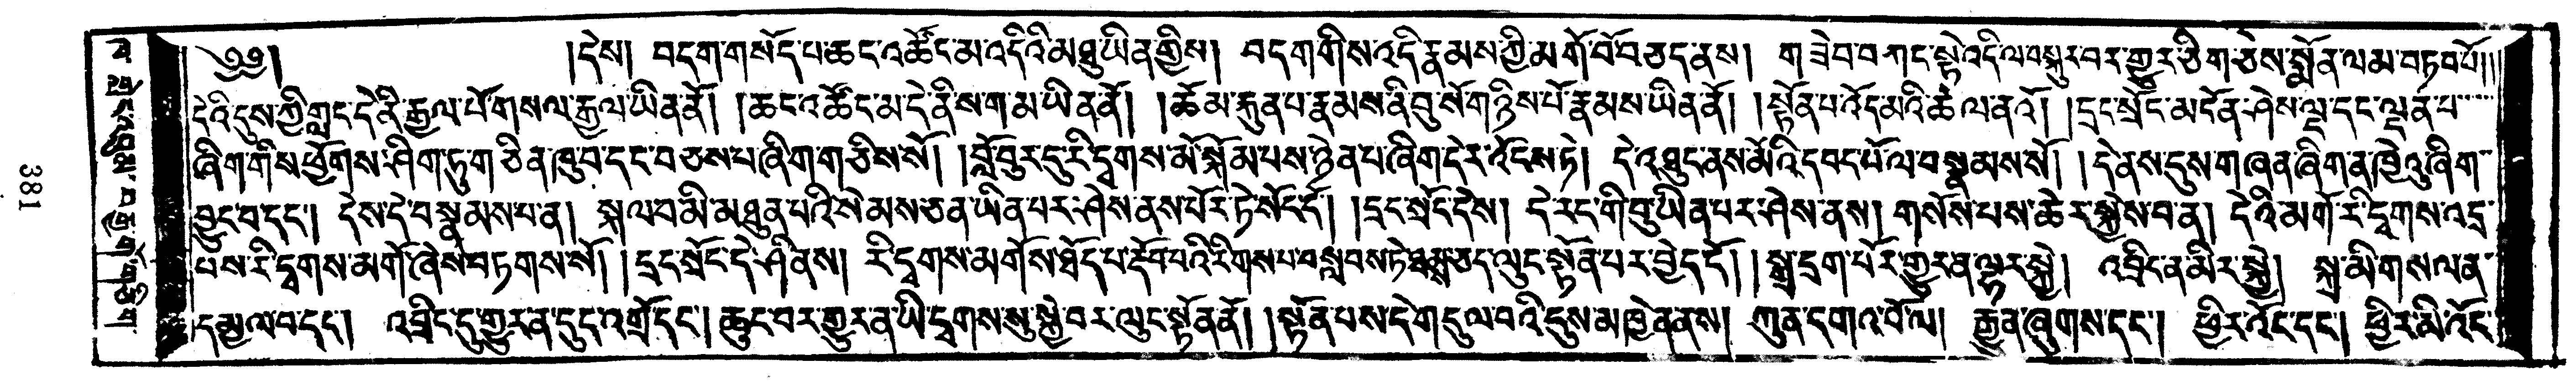༄༅། །དེས། བདག་གསོད་པ་ཆང་འཚོང་མ་འདིའི་མཐུ་ཡིན་གྱིས། བདག་གིས་འདི་རྣམས་ཀྱི་མགོ་བོ་བཅད་ནས། གཟེབ་བཀང་སྟེ་འདི་ལ་བསྐུར་བར་གྱུར་ཅིག་ཅེས་སྨོན་ལམ་བཏབ་པོ།།
དེའི་དུས་ཀྱི་གླང་དེ་ནི་རྒྱལ་པོ་གསལ་རྒྱལ་ཡིན་ནོ། །ཆང་འཚོང་མ་དེ་ནི་ས་ག་མ་ཡིན་ནོ། །ཆོམ་རྐུན་པ་རྣམས་ནི་བུ་སོ་གཉིས་པོ་རྣམས་ཡིན་ནོ། །སྟོན་པ་འོད་མའི་ཆེལ་ནའོ། །དྲང་སྲོང་མངོན་ཤེས་ལྔ་དང་ལྡན་པ་
ཞིག་གིས་ཕྱོགས་ཤིག་ཏུ་གཅིན་ཁུ་བ་དང་བཅས་པ་ཞིག་གཅིས་སོ། །བློ་བུར་དུ་རི་དྭགས་མོ་སྐོམ་པས་ཉེན་པ་ཞིག་དེར་འོངས་ཏེ། དེ་འཐུང་ནས་མོའི་དབང་པོ་ལ་བསྣམས་སོ། །དེ་ནས་དུས་གཞན་ཞིག་ན་ཁྱེའུ་ཞིག་
བྱུང་བ་དང་། དེས་དེ་བསྣམས་པ་ན། སྐལ་བ་མི་མཐུན་པའི་སེམས་ཅན་ཡིན་པར་ཤེས་ནས་པོར་ཏེ་སོང་ངོ། །དྲང་སྲོང་དེས། དེ་རང་གི་བུ་ཡིན་པར་ཤེས་ནས། གསོས་པས་ཆེར་སྐྱེས་བ་ན། དེའི་མགོ་རི་དྭགས་འདྲ་
པས་རི་དྭགས་མགོ་ཞེས་བཏགས་སོ། །དྲང་སྲོང་དེ་ཤི་ནས། རི་དྭགས་མགོས་ཐོད་པ་རྡོབ་པའི་རིགས་པ་བསླབས་ཏེ་ཐམས་ཅད་ལུང་སྟོན་པར་བྱེད་དོ། །སྒྲ་དྲག་པོར་གྱུར་ན་ལྷར་སྐྱེ། འབྲིང་ན་མིར་སྐྱེ། སྐྲ་མི་གསལ་ན་
དམྱལ་བ་དང་། འབྲིང་དུ་གྱུར་ན་དུད་འགྲོ་དང་། ཆུང་བར་གྱུར་ན་ཡི་དྭགས་སུ་སྐྱེ་བར་ལུང་སྟོན་ནོ། །སྟོན་པས་དེ་གདུལ་བའི་དུས་མཁྱེན་ནས། ཀུན་དགའ་བོ་ལ། རྒྱུན་ཞུགས་དང་། ཕྱིར་འོང་དང་། ཕྱིར་མི་འོང་